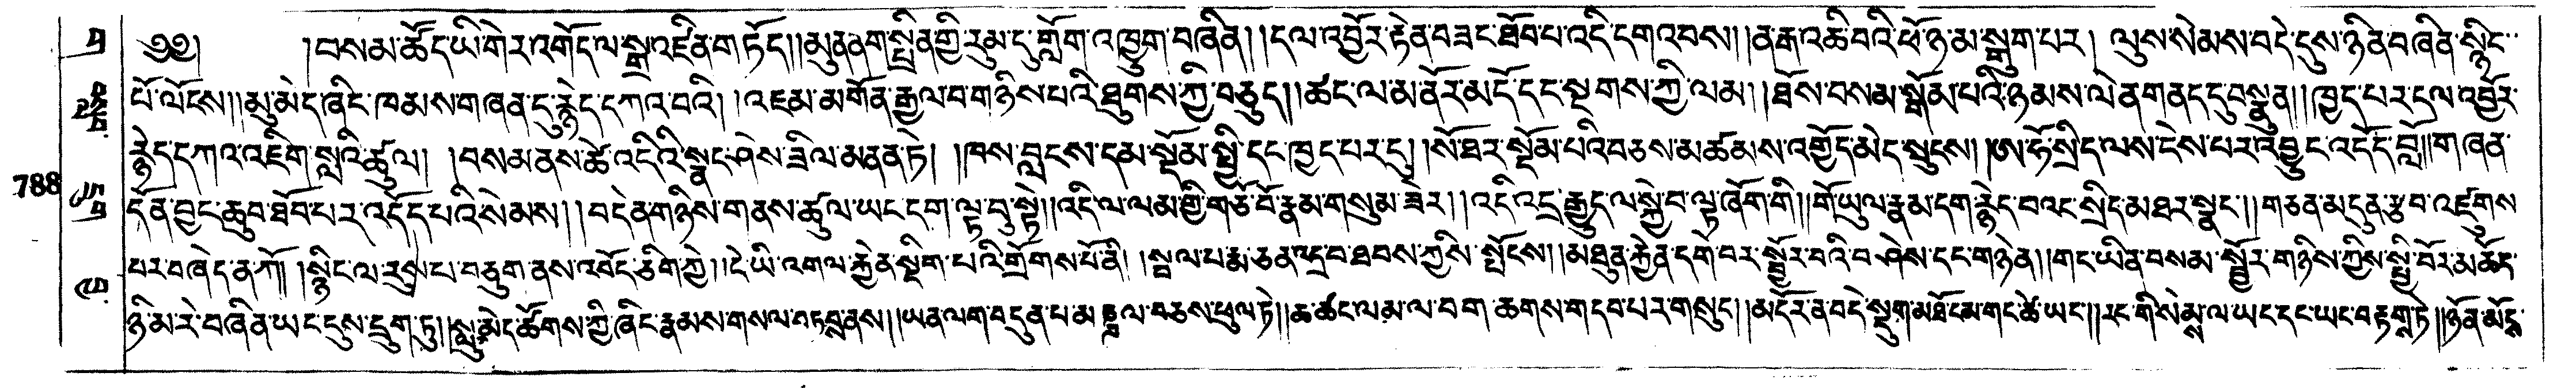༄༅། །བསམ་ཚོད་ཡི་གེར་འགོད་ལ་སྒྲ་འཛིན་གཏོད། །མུན་ནག་སྤྲིན་གྱི་རུམ་དུ་གློག་འཁྱུག་བཞིན། །དལ་འབྱོར་རྟེན་བཟང་ཐོབ་པ་འདི་དགའ་བས། །ན་རྒ་འཆི་བའི་ཕོ་ཉ་མ་སྒུག་པར། ལུས་སེམས་བདེ་དུས་ཉིན་བཞིན་སྙིང་
པོ་ལོངས། །མུ་མེད་ཞིང་ཁམས་གཞན་དུ་རྙེད་དཀའ་བའི། །འཇམ་མགོན་རྒྱལ་བ་གཉིས་པའི་ཐུགས་ཀྱི་བཅུད། །ཚང་ལ་མ་ནོར་མདོ་དང་སྔགས་ཀྱི་ལམ། །ཐོས་བསམ་སྒོམ་པའི་ཉམས་ལེན་གནད་དུ་བསྣུན། །ཁྱད་པར་དལ་འབྱོར་
རྙེད་དཀའ་འཇིག་སླའི་ཚུལ། །བསམ་ནས་ཚེ་འདིའི་སྣང་ཤེས་ཟིལ་མནན་ཏེ། །ཁས་བླངས་དམ་སྡོམ་སྤྱི་དང་ཁྱད་པར་དུ། །སོ་ཐར་སྡོམ་པའི་བཅས་མཚམས་འགྱོད་མེད་སྤུངས། །ཨ་ཧོ་སྲིད་ལས་ངེས་པར་འབྱུང་འདོད་བློ། །གཞན་
དོན་བྱང་ཆུབ་ཐོབ་པར་འདོད་པའི་སེམས། །བདེན་གཉིས་གནས་ཚུལ་ཡང་དག་ལྟ་བུ་སྟེ། །འདི་ལ་ལམ་གྱི་གཙོ་བོ་རྣམ་གསུམ་ཟེར། །འདི་འདྲ་རྒྱུད་ལ་སྐྱེ་བ་ལྟ་ཞོག་གི། །གོ་ཡུལ་རྣམ་དག་རྙེད་བའང་སྲིད་མཐར་སྣང་། །གཅན་མདུན་རྩ་བ་འཛུགས་
པར་བཞེད་ན་ཀོ། །སྙིང་ལ་རུས་པ་བཅུག་ནས་འབོད་ཅིག་ཀྱེ། །དེ་ཡི་འགལ་རྐྱེན་སྡིག་པའི་གྲོགས་པོ་ནི། །སྦལ་པ་རྨ་ཅན་འདྲ་བ་ཐབས་ཀྱིས་སྤོངས། །མཐུན་རྐྱེན་དགེ་བར་སྦྱོར་བའི་བཤེས་དང་གཉེན། །གང་ཡིན་བསམ་སྦྱོར་གཉིས་ཀྱིས་སྤྱི་བོར་མཆོད་
ཉི་མ་རེ་བཞིན་ཡང་དུས་དྲུག་ཏུ། །སླུ་མེད་ཚོགས་ཀྱི་ཞིང་རྣམས་གསལ་བཏབས་ནས། །ཡན་ལག་བདུན་པ་མཎྜལ་བཅས་ཕུལ་ཏེ། །ཆ་ཚང་ལམ་ལ་བག་ཆགས་གདབ་པར་གསུང་། །མདོར་ན་བདེ་སྡུག་མཐོ་ངམ་གང་ཚེ་ཡང་། །རང་གི་སེམས་ལ་ཡང་དང་ཡང་བརྟགས་ཏེ། །ཉོན་མོངས་